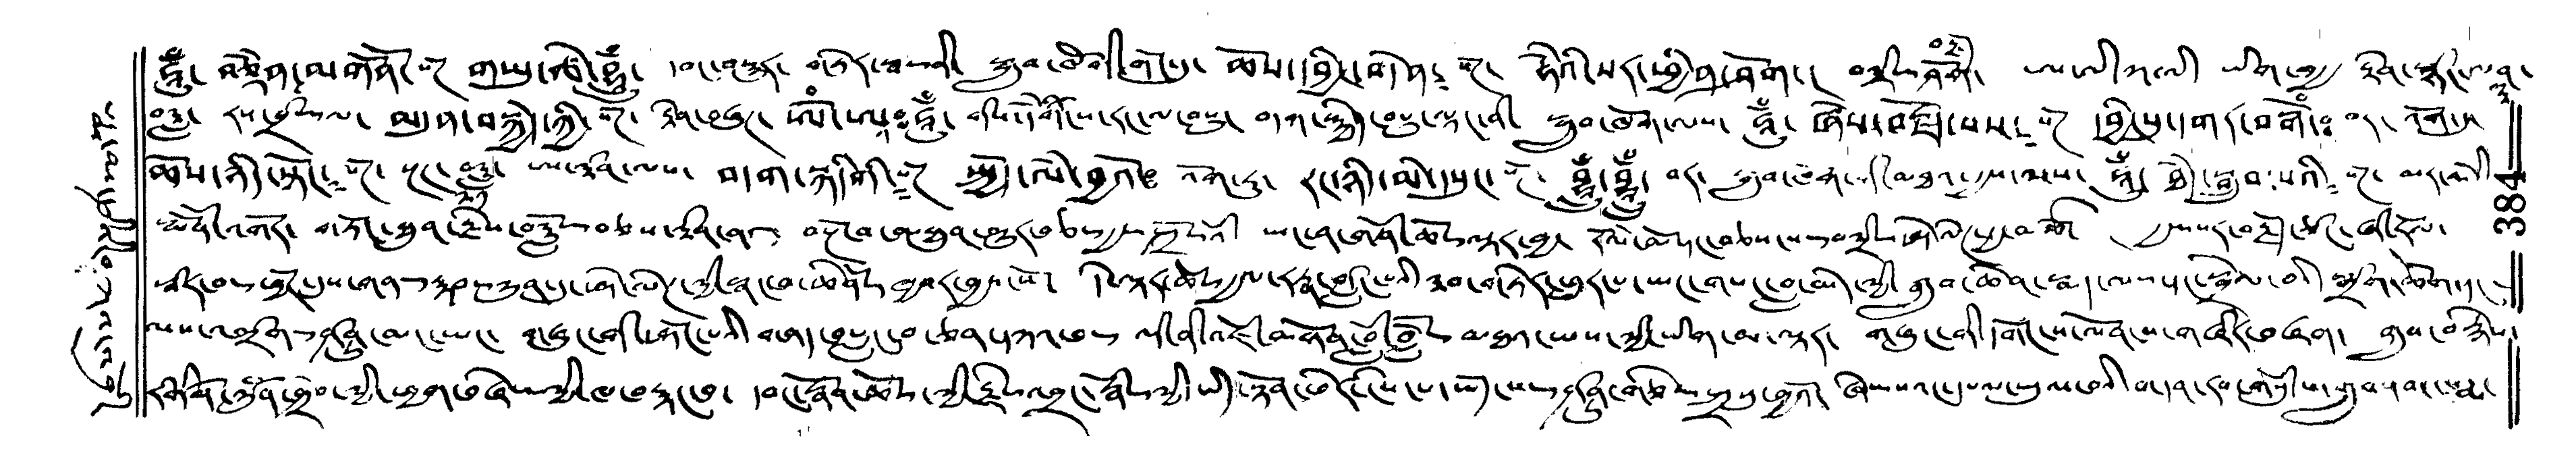ཧཱུྃ༔ བཅོམ་ལྡན་མགོན་པོ༴ སོགས། གཡུ་ཚེ་བྷྲཱུྃ༔ དབང་བསྐུར། གཏེར་སྦས་ནི། སྒྲུབ་ཁོག་གི་གོང་དུ། ཆོས་དབྱིངས་བདེན༴ སོགས། རྡོ་རྗེའི་སར་ཕྱིན་ཤོག༔ བཀྲ་ཤིས་ཤོག༔ བརྗོད། ཨ་ལི་ཀ་ལི། ཡིག་བརྒྱ། རྟེན་སྙིང་ལན་
གསུམ་བཟླ། རས་བྲིས་ལ། མདུན་བསྐྱེད་ཀྱི༴ སོགས། རྟེན་བཞུགས། ཨོཾ་ཨཱཿཧཱུྃ་གིས་དམ་ཚིག་རྣམས་རང་ལ་བསྡུ། བདག་སྐྱེད་བསྡུ་ལྡང་ནི། སྒྲུབ་ཁོག་ལས། ཧཱུྃ། ཞེས་བརྗོད་པས༴ སོགས། དབྱིངས་སུ་དགར་བསྒོམ། བར། འོག་ཏུ། 
ཆོས་ཉིད་སྟོང༴ སོགས། སྔགས་ཉེར་གཅིག་བཟླ། ཨ་ཟིན་ལས། བདག་སྐད་ཅིག་གི༴ སོགས། སྤྱོད་ལམ་བྱའོ། འོག་ཏུ། རང་ཉིད་མེ་དཔུང༴ སོགས། བྷྲཱུྃ་བྷྲཱུྃ༔ བར། སྒྲུབ་ཁོག་གི་མཐའ་རྒྱས་ལས། ཧཱུྃ༔ ཐམས་ཅད་སྒྲུབ་པའི༴སོགས། མར་མེའི་
སྨོན་ལམ་འགོར། སྟོང་ཐུན་རྗེས་བཟློས་བཅས་ཟིན་ནས། བསྔོ་བ་མཐུན་གྱུར་བཅས་རྒྱས་སྤྲོས་སམ། ཡང་ན་གནམ་ཆོས་ལྟར་བྱ། རོལ་མོ་དང་བཅས་པས་བཀྲ་ཤིས་དགེ་ལེགས་རྒྱ་མཚོ་རྒྱས་པར་བརྗོད་ཅིང་ཞི་རོལ་
སྦིར་བས་ཕྱོགས་དུས་གནས་སྐབས་ཀུན་ཏུུ་དགེ་ལེགས་ཀྱི་སྣང་བ་ཆེན་པོས་ཁྱབ་པར་བྱའོ།། དེ་ལྟར་ཆོས་རྒྱལ་རཏྣ་གླིང་པའི་ཟབ་གཏེར་ཕུར་པ་ཡང་གསང་བླ་མེད་ཀྱི་གྲུབ་ཆེན་སྨད་ལས་དང་སྦྲེལ་བའི་སྒྲིགས་ཆོག་
དང་། ལས་འགྲིགས་ཤིན་ཏུ་མང་ཡང་། གཞུང་གི་དགོངས་པའི་གནད་ལོངས་པ་ཅན་དཀའ་བས་འདི་ནི་འཇམ་མགོན་བླ་མ་བློ་གྲོས་མཐའ་ཡས་ཀྱི་ཡིག་ཆ་ལྟར། གཞུང་གི་དགོངས་པ་ལོན་པ་གཞིར་བཞག གྲུབ་བརྙེས་
རིག་འཛིན་ཀུན་བཟང་ཤེས་རབ་ཀྱི་ཕྱག་བཞེས་ཀྱིས་ཁ་བསྐང་བ། དབང་རྣོན་ཆོས་ཀྱིས་རྗེས་འབྲང་རྣམས་ཀྱི་ཡིད་སྟོན་ཕེར་ངེས་པ་ཡོད་པས་ཤིན་ཏུ་གཅེས་སྤྲས་སུ་བྱའོ། ཞེས་པའང་དཔལ་ཡུལ་བའི་གདན་རབས་གསུམ་པ་གྲུབ་དབང་པདྨ་